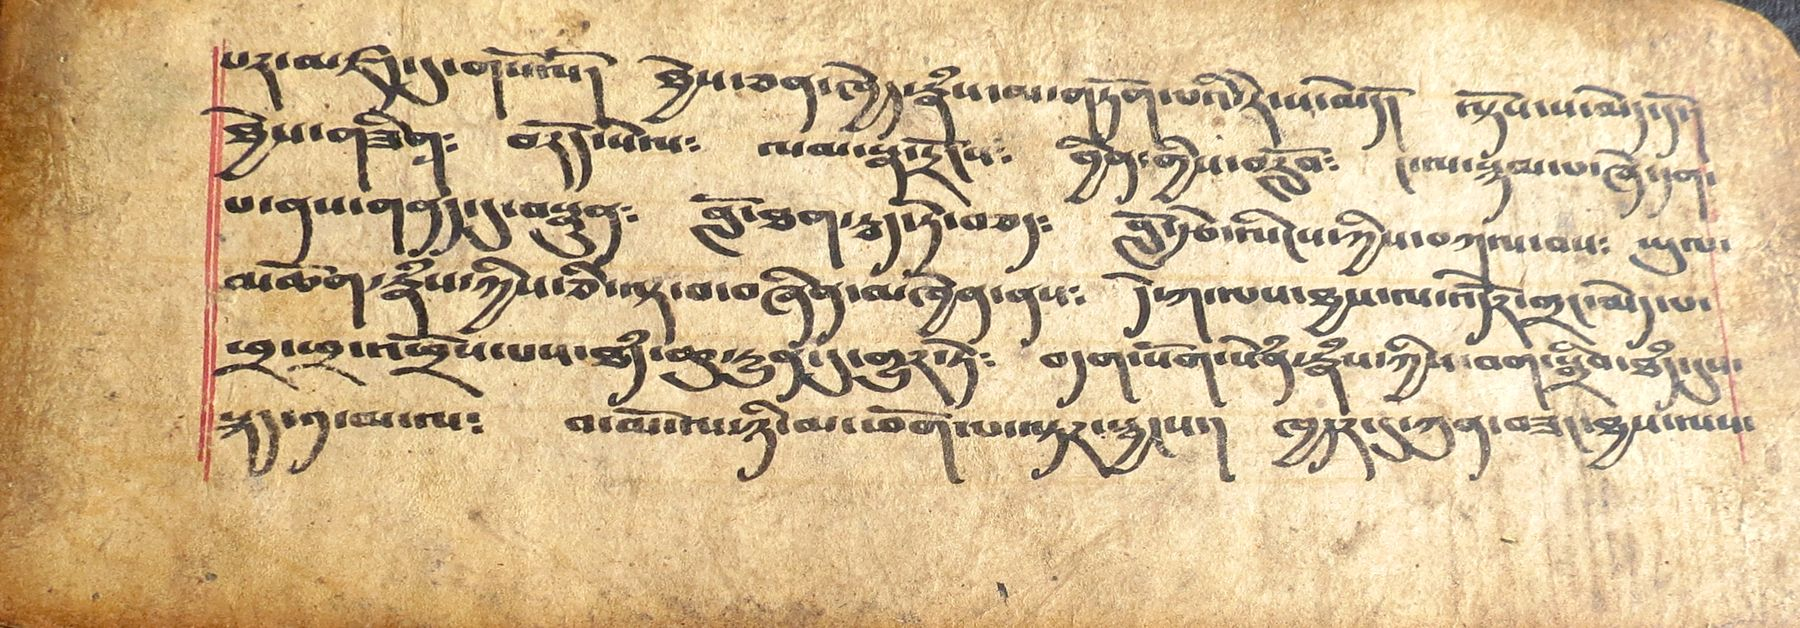པར་མཛད་དུ་གསོལ་ལོ། ཐུགས་རྗེ་ཅན་ཁྱེད་རྣམས་མ་གཏོགས་པའི་རེ་ས་མེད་དོ། ལྟོས་ས་མེད་དོ། 
ཐུགས་རྗེས་གཟིགས། བར་ཆོད་སེལ། ལམ་སྣ་དྲོངས། ང་ལ་བྱིན་གྱིས་རློབས། སྙམས་པ་ཞེ་ཐག་
པ་ནས་གནད་དུ་བསྣུན། བློ་ཐག་རྦད་ཀྱིས་བཅད། བློ་རྩེ་ལིངས་ཀྱིས་བཀལ་བས། ཡུལ་
མཆོག་རྣམས་ཀྱིས་ཅི་ལྟ་བ་བཞིན་མཁྱེན་ནས། དེ་ཀ་ལ་ཐུགས་ལས་འོད་ཟེར་གྲངས་མེད་པ་
ཕྲ་ཕྲ་འཕྲོས་པས་ཐམས་ཅད་ཆུ་རྒྱུན་དུ་གྱུར་ཏེ། བདག་སོགས་སེམས་ཅན་རྣམས་ཀྱི་བག་སྒྲིབ་ཐམས་ཅད་དུས་
སྐད་ཅིག་མ་ལ། བ་མོ་ལ་ཉི་མ་ཕོག་པ་ལྟར་སྦྱངས། ཁྱད་པར་དུ་ཀུན་བཟང་ཐུགས་ལས་